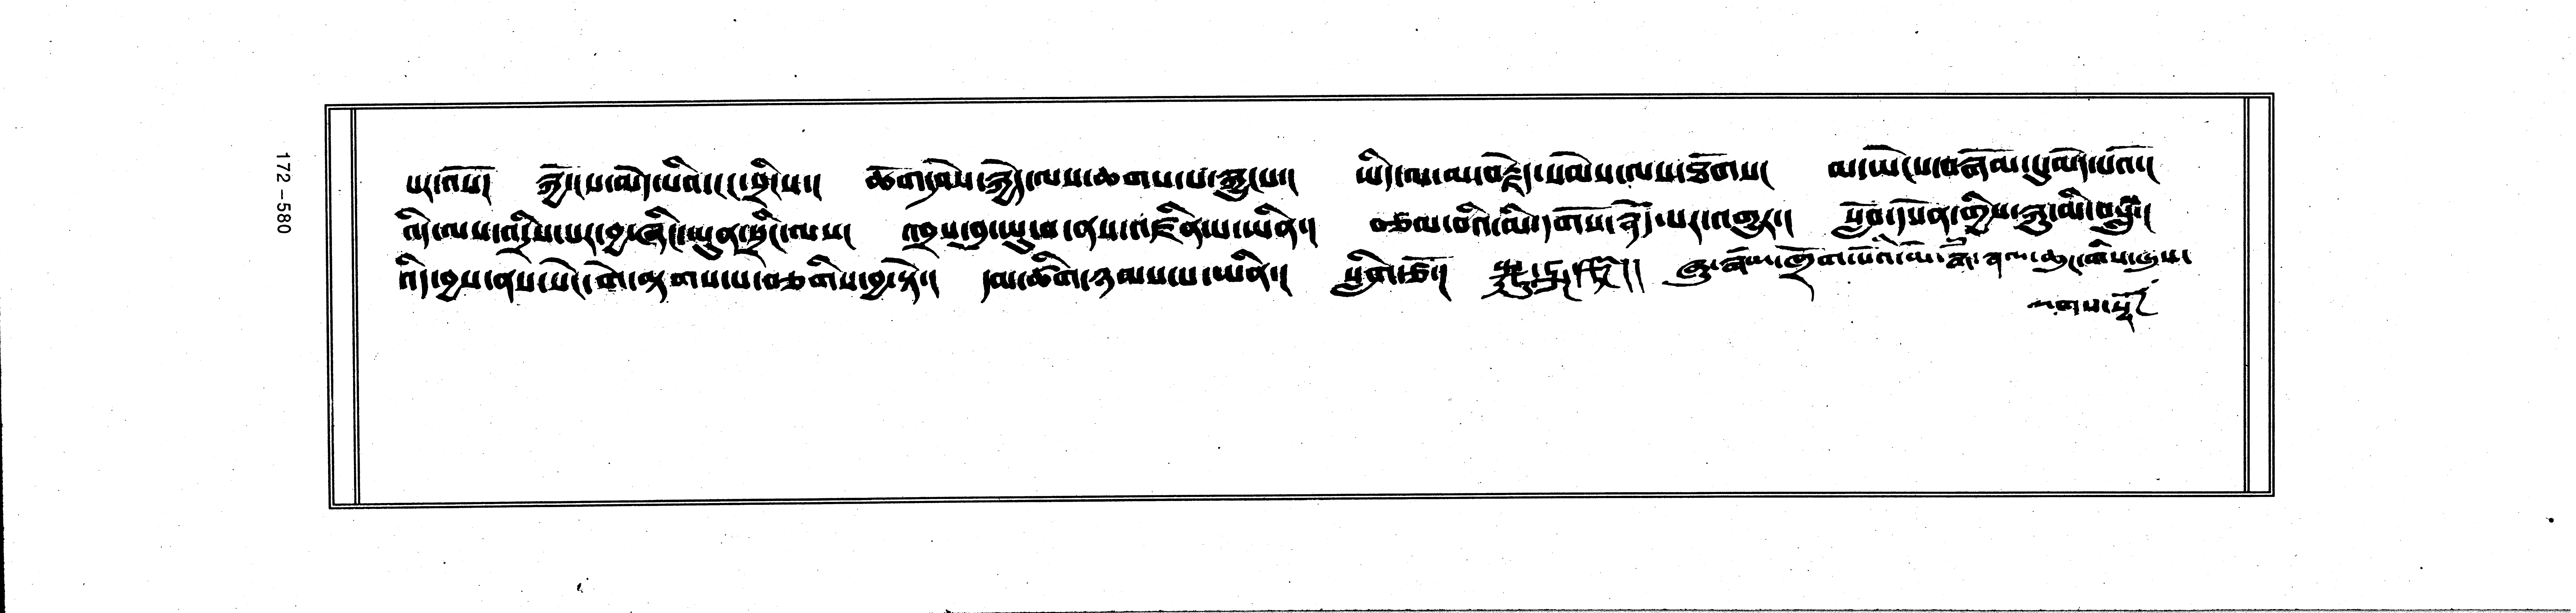སློབས་པར་འོས། སྐྱོ་ངས་མེད་པའི་ངང་སྲིངས། ཆོག་ཤེས་སྐྱེད་ལས་ཆགས་པ་སྐྱུངས། ཡིད་ལ་མ་བརྗེད་སེམས་ལས་ཐོགས། མ་གཡེངས་བསྒོམ་དུ་མེད་པའོ། 
འདི་ལས་འདྲིས་པར་བྱ་ཞིང་ཡུན་སྲིང་ལས། འབྲས་བུ་ཡུ་བ་ནས་འཛིན་པ་ཡིན། བཙམ་བའི་མི་དགོས་སྣོད་པར་འགྱུར། སློབ་དཔོན་གྱིས་སྐུ་མི་བསླུས། 
འདི་བྱས་ནས་སེང་གེ་ལྟགས་པ་བཅིག་གིས་བྱ་སྟེ། དམ་ཚིག་ཉམས་པ་ཡིན། སླིག་ཙོ། ༼འདིར་གཏེར་ཡིག་ཡོད།༽ཞུ་སྒོམ་ཁྲོག་པོའི་མོ་སྒོམ་སྣལ་ཆུང་གི་ཞུས། 
ལགས་སྷཱོ།